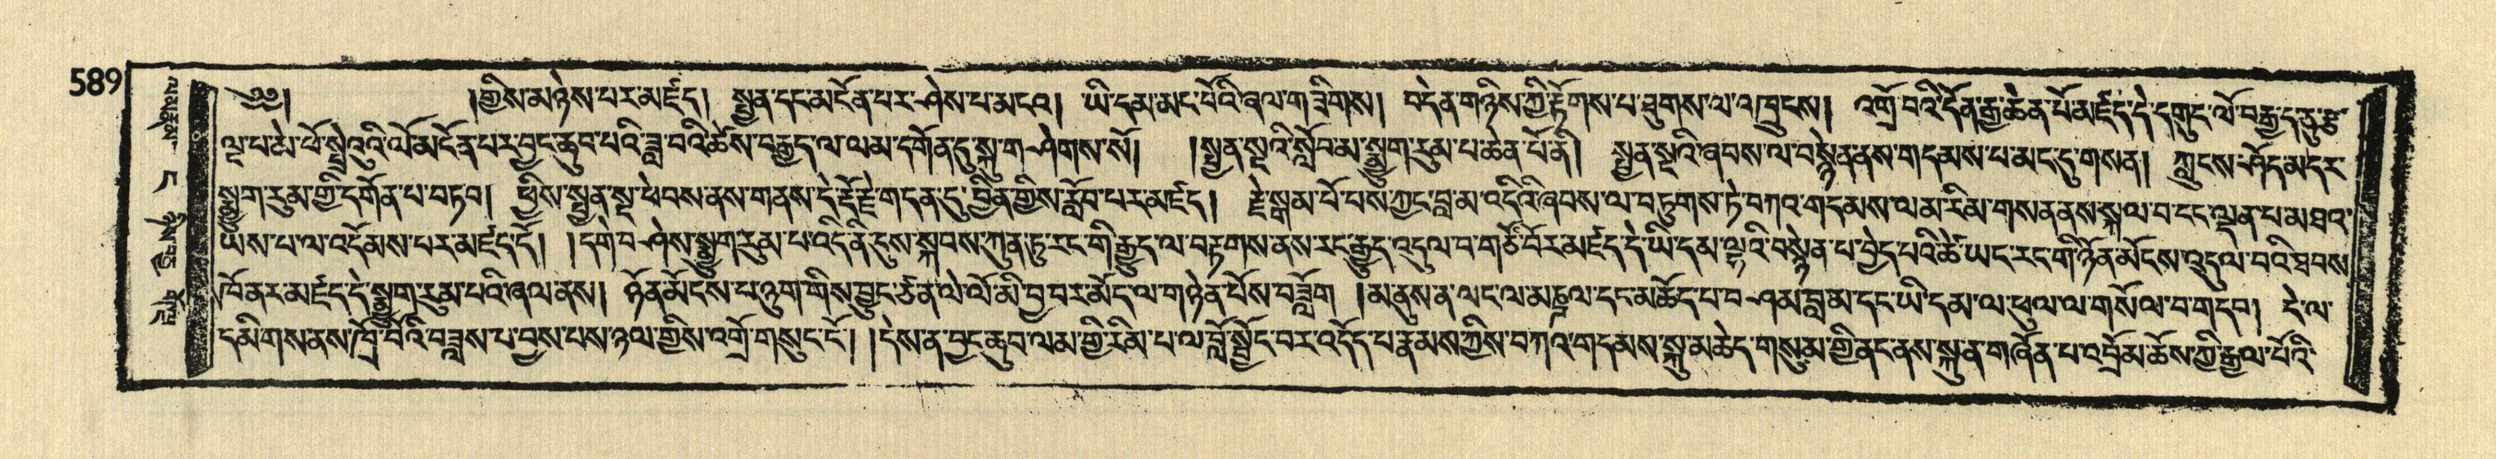༄༅། །གྱིས་མཉེས་པར་མཛད། སྤྱན་དང་མངོན་པར་ཤེས་པ་མངའ། ཡི་དམ་མང་པོའི་ཞལ་གཟིགས། བདེན་གཉིས་ཀྱི་རྟོགས་པ་ཐུགས་ལ་འཁྲུངས། འགྲོ་བའི་དོན་རྒྱ་ཆེན་པོ་མཛད་དེ་དགུང་ལོ་བརྒྱད་ཅུ་རྩ་
ལྔ་པ་མེ་ཕོ་སྤྲེའུའི་ལོ་མངོན་པར་བྱང་ཆུབ་པའི་ཟླ་བའི་ཚེས་བརྒྱད་ལ་ལམ་དགོན་དུ་སྐུ་གཤེགས་སོ། །སྤྱན་སྔའི་སློབ་མ་སྨྱུག་རུམ་པ་ཆེན་པོ་ནི། སྤྱན་སྔའི་ཞབས་ལ་བསྙེན་ནས་གདམས་པ་མང་དུ་གསན། ཀླུངས་ཤོད་མདར་
སྨྱུག་རུམ་གྱི་དགོན་པ་བཏབ། ཕྱིས་སྤྱན་སྔ་ཕེབས་ནས་གནས་དེ་རྡོ་རྗེ་གདན་དུ་བྱིན་གྱིས་རློབ་པར་མཛད། རྗེ་སྒམ་པོ་བས་ཀྱང་བླ་མ་འདིའི་ཞབས་ལ་བཏུགས་ཏེ་བཀའ་གདམས་ལམ་རིམ་གསན་ནས་སྐལ་བ་དང་ལྡན་པ་མཐའ་
ཡས་པ་ལ་འདོམས་པར་མཛད་དོ། །དགེ་བཤེས་སྨྱུག་རུམ་པ་འདི་ནི་དུས་སྐབས་ཀུན་ཏུ་རང་གི་རྒྱུད་ལ་བརྟགས་ནས་རང་རྒྱུད་འདུལ་བ་གཙོ་བོར་མཛད་དེ་ཡི་དམ་ལྷའི་བསྙེན་པ་བྱེད་པའི་ཚེ་ཡང་རང་གི་ཉོན་མོངས་འདུལ་བའི་ཐབས་
ཁོ་ནར་མཛད་དེ་སྨྱུག་རུམ་པའི་ཞལ་ནས། ཉོན་མོངས་པ་ཉུག་གིས་བྱུང་ཙ་ན་ལེ་ལོ་མི་བྱ་བར་མོད་ལ་གཉེན་པོས་བཟློག །མ་ནུས་ན་ལང་ལ་མཎྜལ་དང་མཆོད་པ་བཤམ་བླ་མ་དང་ཡི་དམ་ལ་ཕུལ་ལ་གསོལ་བ་གདབ། དེ་ལ་
དམིགས་ནས་ཁྲོ་བོའི་བཟླས་པ་བྱས་པས་ཉལ་གྱིས་འགྲོ་གསུང་ངོ། །དེས་ན་བྱང་ཆུབ་ལམ་གྱི་རིམ་པ་ལ་བློ་སྦྱོང་བར་འདོད་པ་རྣམས་ཀྱིས་བཀའ་གདམས་སྐུ་མཆེད་གསུམ་གྱི་ནང་ནས་སྐུ་ན་གཞོན་པ་འབྲོམ་ཆོས་ཀྱི་རྒྱལ་པོའི་